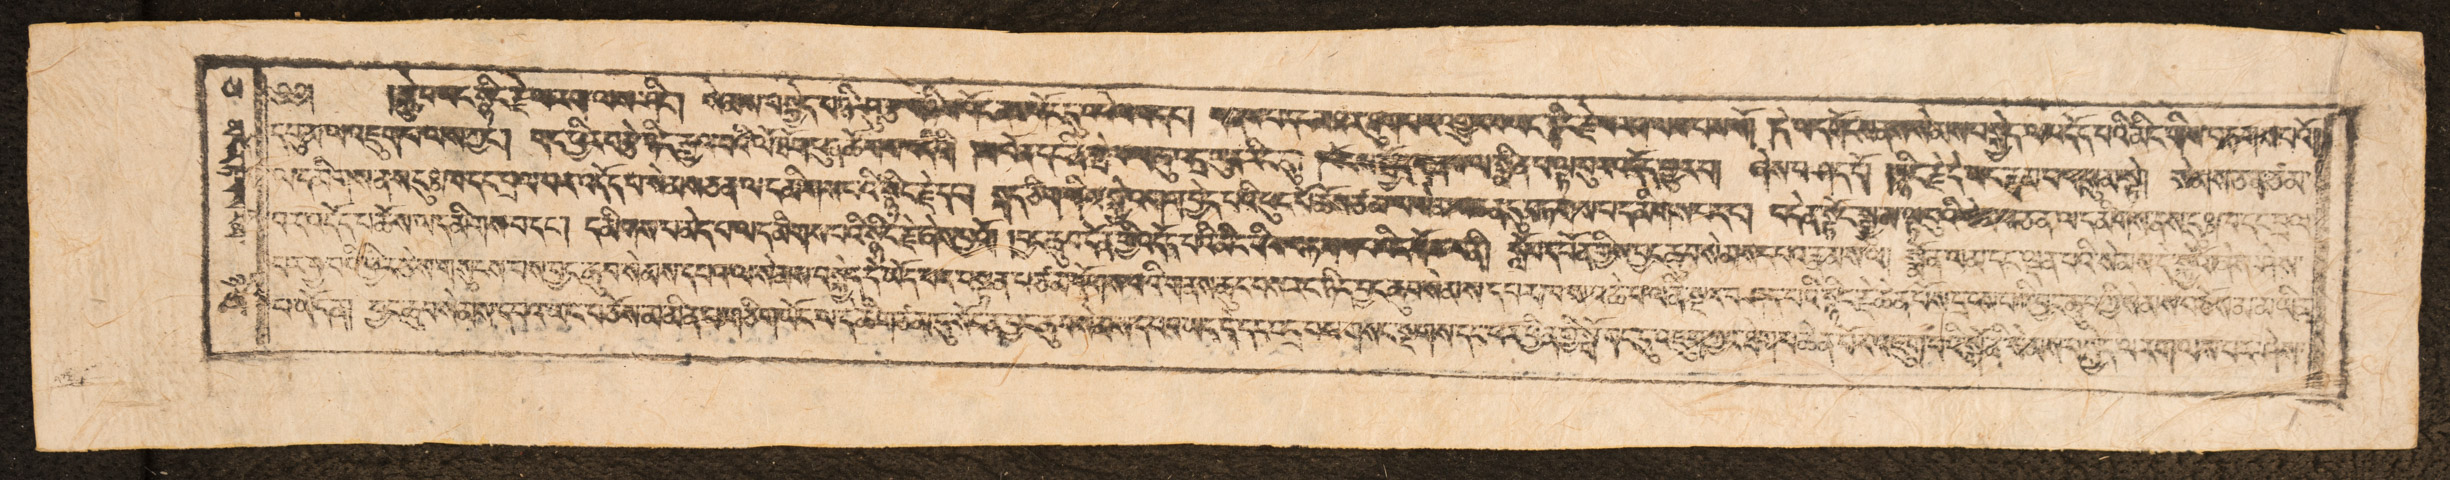༄༅། །སྐྱེ་བ་ཡང་སྙིང་རྗེ་ལ་རག་ལས་ཤིང་། སེམས་བསྐྱེད་པ་ཉི་ཤུ་རྩ་གཉིས་གོང་ནས་གོང་དུ་འཕེལ་བ་དང་། གནས་པ་དང་མཐར་ཐུག་པར་འགྱུར་པ་ཡང་སྙིང་རྗེ་ལ་རག་ལས་པས་སོ། །དེ་ལ་དགོངས་ནས་སེམས་བསྐྱེད་ལ་འདོད་པའི་མིང་གིས་བཏགས་པའོ།།
དབུ་མ་ལ་འཇུག་པ་ལས་ཀྱང་། གང་ཕྱིར་བརྩེ་ཉིད་རྒྱལ་བའི་ལོ་ཐོག་ཕུན་ཚོགས་འདིའི། །ས་བོན་དང་ནི་སྤེལ་ལ་ཆུ་འདྲ་ཡུན་རིང་དུ། །ལོངས་སྤྱོད་གནས་ལ་སྨིན་པ་ལྟ་བུར་འདོད་གྱུར་བ། ཞེས་བཤད་དོ། །སྙིང་རྗེ་དེ་ཡང་རྣམ་པ་གསུམ་སྟེ། སེམས་ཅན་ཙམ་
ལ་དམིགས་ནས་དུཿ ཁ་དང་བྲལ་བར་འདོད་པ་སེམས་ཅན་ལ་དམིགས་པའི་སྙིང་རྗེ་དང་། སྐད་ཅིག་གིས་སྐྱེ་འགག་བྱེད་པའི་ཕུང་པོ་ཆོས་ཙམ་ལ་སེམས་ཅན་དུ་བཏགས་པ་དམིགས་པ་དང་། བདེན་སྟོང་སྒྱུ་མ་ལྟ་བུའི་སེམས་ཅན་ལ་དམིགས་ནས་དུཿ ཁ་དང་བྲལ་
བར་འདོད་པ་ཆོས་ལ་དམིགས་པ་དང་། དམིགས་པ་མེད་པ་ལ་དམིགས་པའི་སྙིང་རྗེ་ཞེས་བྱའོ། །བྱང་ཆུབ་དོན་གྱི་འདོད་པའི་མིང་གིས་བཏགས་པའི་དགོས་པ་ནི། སློབ་དཔོན་གྱིས་བྱང་ཆུབ་སེམས་དཔའ་རྣམས་ལ། སྨོན་ལམ་དང་ལྡན་པའི་སེམས་དེ་སྐྱེའོ་ཞེས་ཤེས་
པར་བྱ་བའི་ཕྱིར་ཅེས་གསུངས་པས་བྱང་ཆུབ་སེམས་དཔའ་ལ་སེམས་བསྐྱེད་དེ་ཡོད་པར་བསྟན་པ་ཙམ་དོགས་པའི་གནས་ཆུང་བས་རང་ཉིད་བྱང་ཆུབ་སེམས་དཔར་ཁས་འཆེ་བ་ལ་ནི་སྔར་བཤད་པའི་སྙིང་རྗེ་ཆེན་པོས་དྲངས་པའི་བྱང་ཆུབ་ཀྱི་སེམས་བཅོས་མ་མ་ཡིན་
པ་ཡོད་ན། བྱང་ཆུབ་སེམས་དཔའ་ཡང་བཅོས་མ་ཡིན་པ་གཅིག་ཡོང་ལ་དེ་ཚིག་ཙམ་དུ་སོང་ན་བྱང་ཆུབ་སེམས་དཔའ་ཡང་དེ་དང་འདྲ་བས་གསང་སྔགས་དང་ཕར་ཕྱིན་གྱི་སྒོ་གང་དུ་འཇུག་ཀྱང་ཐེག་པ་ཆེན་པོར་འཇུག་པའི་སྒོ་ནི་སེམས་བསྐྱེད་ལ་རག་ལས་པར་ཤེས་